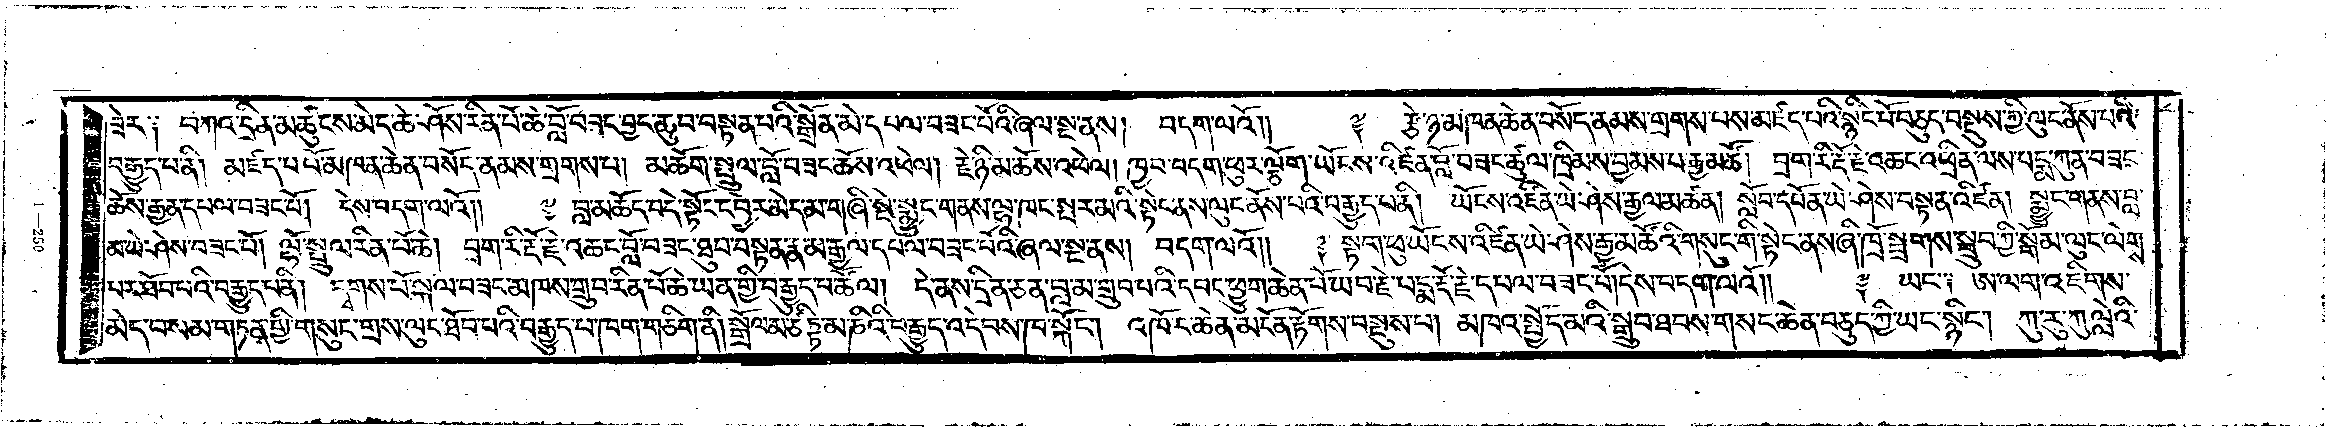ཟེར༑ བཀའ་དྲིན་མཚུངས་མེད་ཆེ་ཤོས་རིན་པོ་ཆེ་བློ་བཟང་བྱང་ཆུབ་བསྟན་པའི་སྒྲོན་མེ་དཔལ་བཟང་པོའི་ཞལ་སྔ་ནས། བདག་ལའོ།། འ་རྩེ་ཉ་མཁན་ཆེན་བསོད་ནམས་གྲགས་པས་མཛད་པའི་སྙིང་པོ་བཅུད་བསྡུས་ཀྱི་ལུང་ནོས་པའི་
བརྒྱུད་པ་ནི། མཛད་པ་པོ་མཁན་ཆེན་བསོད་ནམས་གྲགས་པ། མཆོག་སྤྲུལ་བློ་བཟང་ཆོས་འཕེལ། རྗེ་ཉི་མ་ཆོས་འཕེལ། ཁྱབ་བདག་ཕུར་ལྕོག་ཡོངས་འཛིན་བློ་བཟང་ཚུལ་ཁྲིམས་བྱམས་པ་རྒྱ་མཚོ། བྲག་རི་རྡོ་རྗེ་འཆང་འཕྲིན་ལས་པདམ་ཀུན་བཟང་
ཆོས་རྒྱན་དཔལ་བཟང་པོ། དེས་བདག་ལའོ།། འ་བླ་མཆོད་བདེ་སྟོང་དབྱེར་མེད་མ་གཞི་སྡེ་སྨྱུང་གནས་ལྷ་ཁང་སྤར་མའི་སྟེང་ནས་ལུང་ནོས་པའི་བརྒྱུད་པ་ནི། ཡོངས་འཛིན་ཡེ་ཤེས་རྒྱལ་མཚན། སློབ་དཔོན་ཡེ་ཤེས་བསྟན་འཛིན། སྨྱུང་གནས་བླ་
མ་ཡེ་ཤེས་བཟང་པོ། ལྷོ་སྤྲུལ་རིན་པོ་ཆེ། བྲག་རི་རྡོ་རྗེ་འཆང་བློ་བཟང་ཐུབ་བསྟན་རྣམ་རྒྱལ་དཔལ་བཟང་པོའི་ཞལ་སྔ་ནས། བདག་ལའོ།། འ་སྟག་ཕུ་ཡོངས་འཛིན་ཡེ་ཤེས་རྒྱ་མཚོའི་གསུང་གི་སྟེང་ནས་ཞི་ཁྲོ་སྦྲགས་སྒྲུབ་ཀྱི་སྒོམ་ལུང་ལེགས་
པར་ཐོབ་པའི་བརྒྱུད་པ་ནི། དྭགས་པོ་སྐལ་བཟང་མཁས་གྲུབ་རིན་པོ་ཆེ་ཡན་གྱི་བརྒྱུད་པ་ཚོལ། དེ་ནས་དྲིན་ཆན་བླ་མ་གྲུབ་པའི་དབང་ཕྱུག་ཆེན་པོ་ཡབ་རྗེ་པདམ་རྡོ་རྗེ་དཔལ་བཟང་པོ་།དེས་བདག་ལའོ།། འ་ཡང༑ ཨ་ལག་འཇིགས་
མེད་བསམ་གཏན་གྱི་གསུང་གྲས་ལུང་ཐོབ་པའི་བརྒྱུད་པ་ཁག་གཅིག་ནི། སྒྲོལ་མ་ཙིཏྟ་མ་ཎྀའི་བརྒྱུད་འདེབས་ཁ་སྐོང་། འཁོར་ཆེན་མངོན་རྟོགས་བསྡུས་པ། མཁའ་སྤྱོད་མའི་སྒྲུབ་ཐབས་གསང་ཆེན་བཅུད་ཀྱི་ཡང་སྙིང་། ཀུ་རུ་ཀུ་ལླེའི་